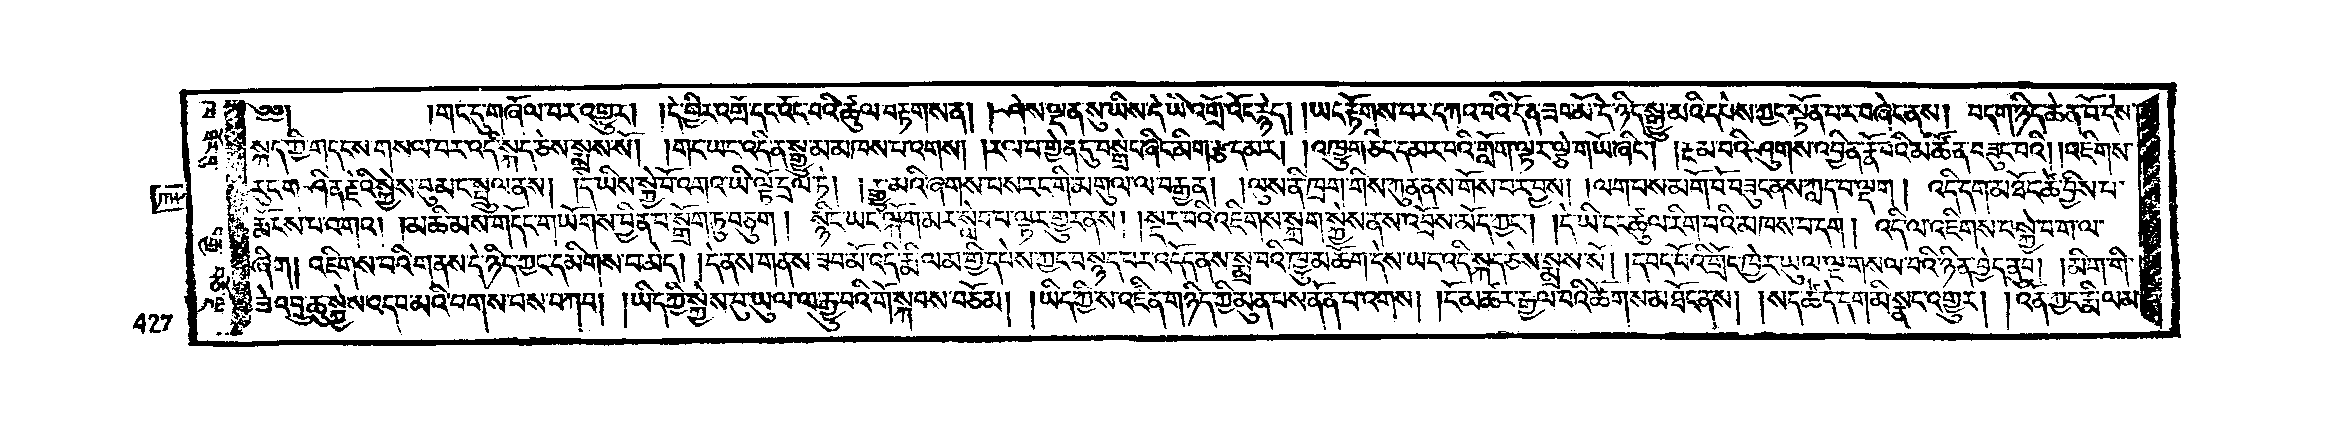༄༅། །གང་དུ་གཞོལ་བར་འགྱུར། །དེ་ཕྱིར་འགྲོ་དང་འོང་བའི་ཚུལ་བརྟགས་ན། །ཤེས་ལྡན་སུ་ཡིས་དེ་ཡི་འགྲོ་འོང་རྙེད། །ཡང་རྟོགས་པར་དཀའ་བའི་དོན་ཟབ་མོ་དེ་ཉིད་སྒྱུ་མའི་དཔེས་ཀྱང་སྟོན་པར་བཞེད་ནས། བདག་ཉིད་ཆེན་པོ་དེས་
སྐད་ཀྱི་གདངས་གསལ་བར་འདི་སྐད་ཅེས་སྨྲས་སོ། །གང་ཡང་འདི་ན་སྒྱུ་མ་མཁས་པ་འགས། །རལ་པ་གྱེན་དུ་བསྒྲེང་ཞིང་མིག་རྩ་དམར། །འཁྱུག་ཅིང་དམར་བའི་གློག་ལྟར་ལྕེ་གཡོ་ཞིང་། །རྔམ་པའི་ཤུགས་འབྱིན་རྣོ་བའི་མཚོན་བཟུང་བའི། །འཇིགས་
རུང་གཤིན་རྗེའི་སྐྱེས་དུ་མང་སྤྲུལ་ནས། །དེ་ཡིས་སྐྱེ་བོ་འགའ་ཡི་ལྟོ་དྲལ་ཏེ། །རྒྱུ་མའི་ཞགས་པས་རང་གི་མགུལ་ལ་བརྒྱན། །ལུས་ནི་ཁྲག་གིས་ཀུན་ནས་གོས་པར་བྱས། །ལག་པས་མགོ་བོ་བཟུང་ནས་ཀླད་པ་ལྡག །འདི་དག་མཐོང་ཚེ་བྱིས་པ་
རྨོངས་པ་འགའ། །མཆི་མས་གདོང་གཡོགས་བྱིན་པ་སྒྲོག་ཏུ་བཅུག། སྙིང་ཡང་ལྐོག་མར་སླེབ་པ་ལྟར་གྱུར་ནས། །སྔར་བའི་འཇིགས་སྐྲག་སྐྱེས་ནས་འབྲོས་མོད་ཀྱང་། །དེ་ཡི་ངང་ཚུལ་རིག་པའི་མཁས་པ་དག། འདི་ལ་འཇིགས་པ་སྐྱེ་བ་ག་ལ་
ཞིག། འཇིགས་པའི་གནས་དེ་ཉིད་ཀྱང་དམིགས་པ་མེད། །དེ་ནས་གནས་ཟབ་མོ་འདི་རྨི་ལམ་གྱི་དཔེས་ཀྱང་བསྙད་པར་འདོད་ནས་སྨྲ་བའི་ཁྱུ་མཆོག་དེས་ཡང་འདི་སྐད་ཅེས་སྨྲས་སོ། །དབང་པོའི་གྲོང་ཁྱེར་ཡུལ་ལྔ་གསལ་བའི་ཉིན་བྱེད་ནུབ། །མིག་གི་
ཟེ་འབྲུ་ཆུ་སྐྱེས་འདབ་མའི་པགས་པས་བཀབ། །ཡིད་ཀྱི་སྐྱེས་བུ་ཡུལ་ལ་རྒྱུ་བའི་གོ་སྐབས་བཅོམ། །ཡིད་ཀྱི་ས་འཛིན་གཉིད་ཀྱི་མུན་པས་ནོན་པ་འགས། །ངོ་མཚར་རྒྱལ་བའི་ཚོགས་མཐོང་ནས། །སད་ཚེ་དེ་དག་མི་སྣང་འགྱུར། །འོན་ཀྱང་རྨི་ལམ་